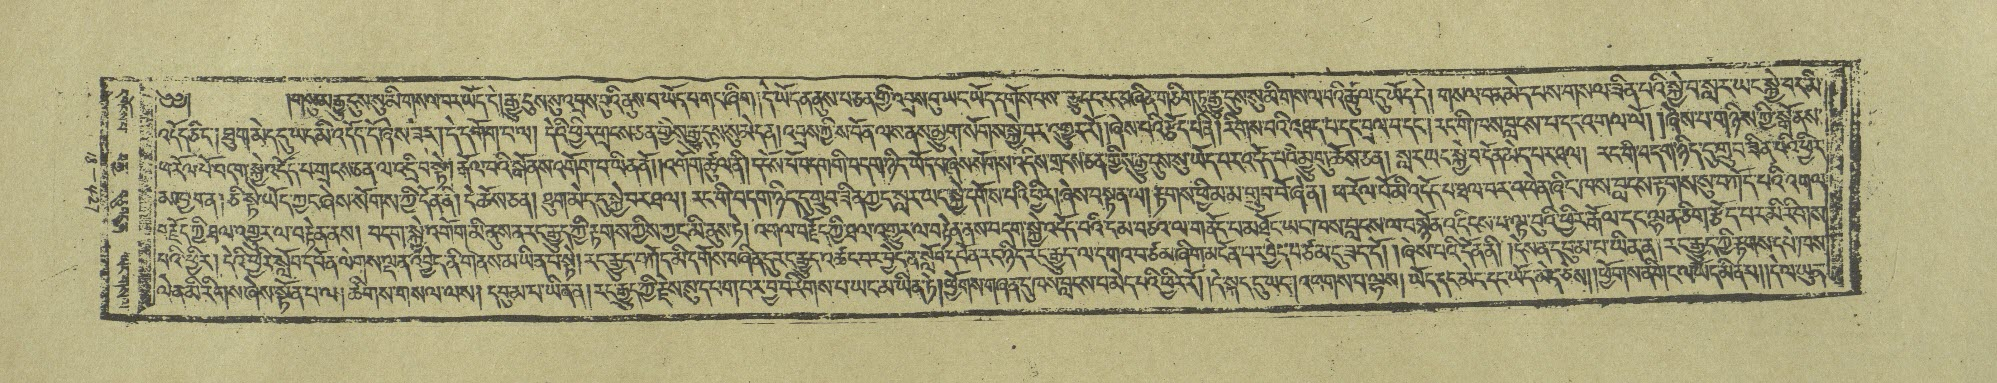༄༅། །གསུམ་རྒྱུ་དུས་སུ་མི་གསལ་བར་ཡོད་དེ། རྒྱུ་དུས་སུ་འབྲས་བུའི་ནུས་པ་ཡོད་པ་གང་ཞིག །དེ་ཡོད་ན་ནུས་པ་ཅན་གྱི་འབྲས་བུ་ཡང་ཡོད་དགོས་པས་རྒྱུ་དང་རང་བཞིན་གཅིག་ཏུ་རྒྱུ་དུས་སུ་མི་གསལ་བའི་ཚུལ་དུ་ཡོད་དེ། གསལ་བར་མེད་པས་གསལ་ཟིན་པའི་སྐྱེ་བ་སླར་ཡང་སྐྱེ་བར་མི་
འདོད་ཅིང་། ཐུག་མེད་དུ་ཡང་མི་འདོད་དོ་ཞེས་ཟེར། དེ་དགོག་པ་ལ། དེའི་ཕྱིར་གྲངས་ཅན་གྱིས་རྒྱུ་དུས་སུ་མེད་ན། འབྲས་ཀྱི་ས་བོན་ལས་ནས་མྱུག་སོགས་སྐྱེ་བར་འགྱུར་རོ། །ཞེས་པའི་རྩོད་པ་ནི། རིགས་པའི་འཐད་པ་དང་བྲལ་བ་དང་། རང་གི་ཁས་བླངས་པ་དང་འགལ་ལོ། །ཞེས་པ་གཉིས་ཀྱི་སྒོ་ནས་
ཕ་རོལ་པོ་བདག་སྐྱེ་འདོད་པ་གྲངས་ཅན་ལ་འདྲི་བ་སྟེ། རྒོལ་བའི་སྒོ་ནས་འགོག་པ་ཡིན་ནོ། །འགོག་ཚུལ་ནི། དངོས་པོ་བདག་གི་བདག་ཉིད་ཡོད་པ་ཞེས་སོགས་འདིས་གྲངས་ཅན་གྱིས་རྒྱུ་དུས་སུ་ཡོད་པར་འདོད་པའི་མྱུ་གུ་ཆོས་ཅན། སླར་ཡང་སྐྱེ་བ་དོན་མེད་པར་ཐལ། རང་གི་བདག་ཉིད་དུ་གྲུབ་ཟིན་པའི་ཕྱིར་
མ་ཁྱབ་ན། ཅི་སྟེ་ཡོད་ཀྱང་ཞེས་སོགས་ཀྱི་དོན་ནི། དེ་ཆོས་ཅན། ཐུག་མེད་དུ་སྐྱེ་བར་ཐལ། རང་གི་བདག་ཉིད་དུ་གྲུབ་ཟིན་ཀྱང་སླར་ཡང་སྐྱེ་དགོས་པའི་ཕྱིར། ཞེས་བསྟན་ལ། རྟགས་ཕྱི་མ་མ་གྲུབ་པོ་ཞེ་ན། ཕ་རོལ་པོ་མི་འདོད་པ་ཐལ་བར་འཕེན་ཞིང་ཁས་བླངས་རྟགས་སུ་བཀོད་པའི་འགལ་
བརྗོད་ཀྱི་ཐལ་འགྱུར་ལ་བརྟེན་ནས། བདག་སྐྱེ་འགོག་མི་ནུས་ན་རང་རྒྱུད་ཀྱི་རྟགས་ཀྱིས་ཀྱང་མི་ནུས་ཏེ། འགལ་བརྗོད་ཀྱི་ཐལ་འགྱུར་ལ་བརྟེན་ནས་བདག་སྐྱེ་འདོད་པའི་དམ་བཅའ་ལ་གནོད་པ་མཐོང་ཡང་ཁས་བླངས་ལ་བསྙོན་འདིངས་པ་ལྟ་བུའི་ཕྱིར་རྒོལ་དང་ལྷན་ཅིག་རྩོད་པར་མི་རིགས་
པའི་ཕྱིར། དེའི་ཕྱིར་སློབ་དཔོན་ལེགས་ལྡན་འབྱེད་ནི་གནས་མ་ཡིན་པ་སྟེ། རང་རྒྱུད་བཀོད་མི་དགོས་བཞིན་དུ་རང་རྒྱུད་འཚང་བར་བྱེད་ན་སློབ་དཔོན་རང་ཉིད་རང་རྒྱུད་ལ་དགའ་བ་ཙམ་ཞིག་མངོན་པར་བྱེད་པ་ཙམ་དུ་ཟད་དོ། །ཞེས་པའི་དོན་ནི། །དེས་ན་དབུ་མ་པ་ཡིན་ན། རང་རྒྱུད་ཀྱི་རྟགས་དཔེ་ཁས་
ལེན་མི་རིགས་ཞེས་སྟོན་པ་ལ། ཚིགས་གསལ་ལས། དབུ་མ་པ་ཡིན་ན། རང་རྒྱུད་ཀྱི་རྗེས་སུ་དཔག་པར་བྱ་བ་རིགས་པ་ཡང་མ་ཡིན་ཏེ། ཕྱོགས་གཞན་དུ་ཁས་བླངས་པ་མེད་པའི་ཕྱིར་རོ། །དེ་སྐད་དུ་ཡང་། འཕགས་པ་ལྷས། ཡོད་དང་མེད་དང་ཡོད་མེད་ཅེས། །ཕྱོགས་ནི་གང་ལ་ཡོད་མིན་པ། །དེ་ལ་ཡུན་